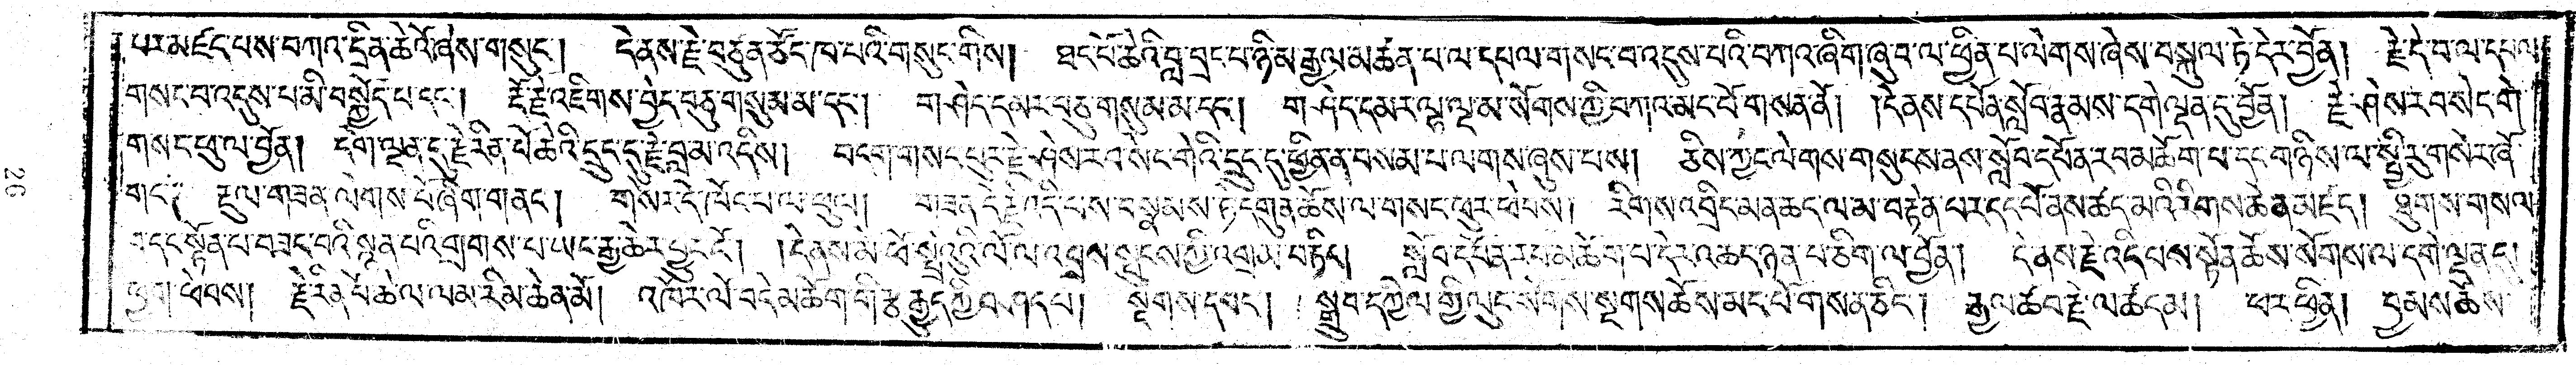པར་མཛད་པས་བཀའ་དྲིན་ཆེའོ་ཞེས་གསུང་། དེ་ནས་རྗེ་བཙུན་ཙོང་ཁ་པའི་གསུང་གིས། ཐང་པོ་ཆེའི་བླ་བྲང་པ་ཉི་མ་རྒྱལ་མཚན་པ་ལ་དཔལ་གསང་བ་འདུས་པའི་བཀའ་ཞིག་ཞུ་བ་ལ་ཕྱིན་པ་ལེགས་ཞེས་བསྐུལ་ཏེ་དེར་བྱོན། རྗེ་དེ་བ་ལ་དཔལ་
གསང་བ་འདུས་པ་མི་བསྐྱོད་པ་དང་། རྡོ་རྗེ་འཇིགས་བྱེད་བཅུ་གསུམ་མ་དང་། གཤེད་དམར་བཅུ་གསུམ་མ་དང་། གཤེད་དམར་ལྷ་ལྔ་མ་སོགས་ཀྱི་བཀའ་མང་པོ་གསན་ནོ། །དེ་ནས་དཔོན་སློབ་རྣམས་དགེ་ལྡན་དུ་བྱོན། རྗེ་ཤེས་རབ་སེང་གེ་
གསང་ཕུ་ལ་བྱོན། དགེ་ལྡན་དུ་རྗེ་རིན་པོ་ཆེའི་དྲུང་དུ་རྗེ་བླ་མ་འདིས། བདག་གསང་པུར་རྗེ་ཤེས་རབ་སེང་གེའི་དྲུང་དུ་ཕྱིན་ན་བསམ་པ་ལགས་ཞུས་པས། ཅིས་ཀྱང་ལེགས་གསུངས་ནས་སློབ་དཔོན་རབ་མཆོག་ལ་དང་གཉིས་ལ་སྤྱི་རུ་གསེར་ཞོ་
གང༑ རྡུལ་གཟན་ལེགས་པོ་ཞིག་གནང་། གེར་དེ་ཁོང་པ་ལ་ཕུལ། གཟན་དེ་རྗེ་འདི་པས་བསྣམས་ཏེ་དགུན་ཆོས་ལ་གསང་ཕུར་ཕེབས། རིགས་འབྲིང་མན་ཆད་ལ་མ་བརྟེན་པར་དང་པོ་ནས་ཚད་མའི་རིགས་ཆེན་མཛད། ཐུགས་གསལ་
བ་དང་སྟོན་པ་བཟང་བའི་སྙན་པའི་གྲགས་པ་ཡང་རྒྱ་ཆེར་བྱུང་ངོ། །དེ་ནས་མེ་ཕོ་སྤྲེའུའི་ལོ་ལ་འབྲས་སྤུངས་ཀྱི་འགྲམ་བཏིང་། སློབ་དཔོན་རབ་མཆོག་པ་དེར་འཆད་ཉན་པ་ཅིག་ལ་བྱོན། དེ་ནས་རྗེ་འདི་པས་སྟོན་ཆོས་སོགས་ལ་དགེ་ལྡན་དུ།
ཕྱག་ཕེབས། རྗེ་རིན་པོ་ཆེ་ལ་ལམ་རིམ་ཆེན་མོ། འཁོར་ལོ་བདེ་མཆོག་གི་རྩ་རྒྱུད་ཀྱི་བཤད་པ། སྔགས་དབང་། །སྒྲུབ་དཀྱིལ་གྱི་ལུང་སོགས་སྔགས་ཆོས་མང་པོ་གསན་ཅིང་། རྒྱལ་ཚབ་རྗེ་ལ་ཚད་མ། ཕར་ཕྱིན། བྱམས་ཆོས་